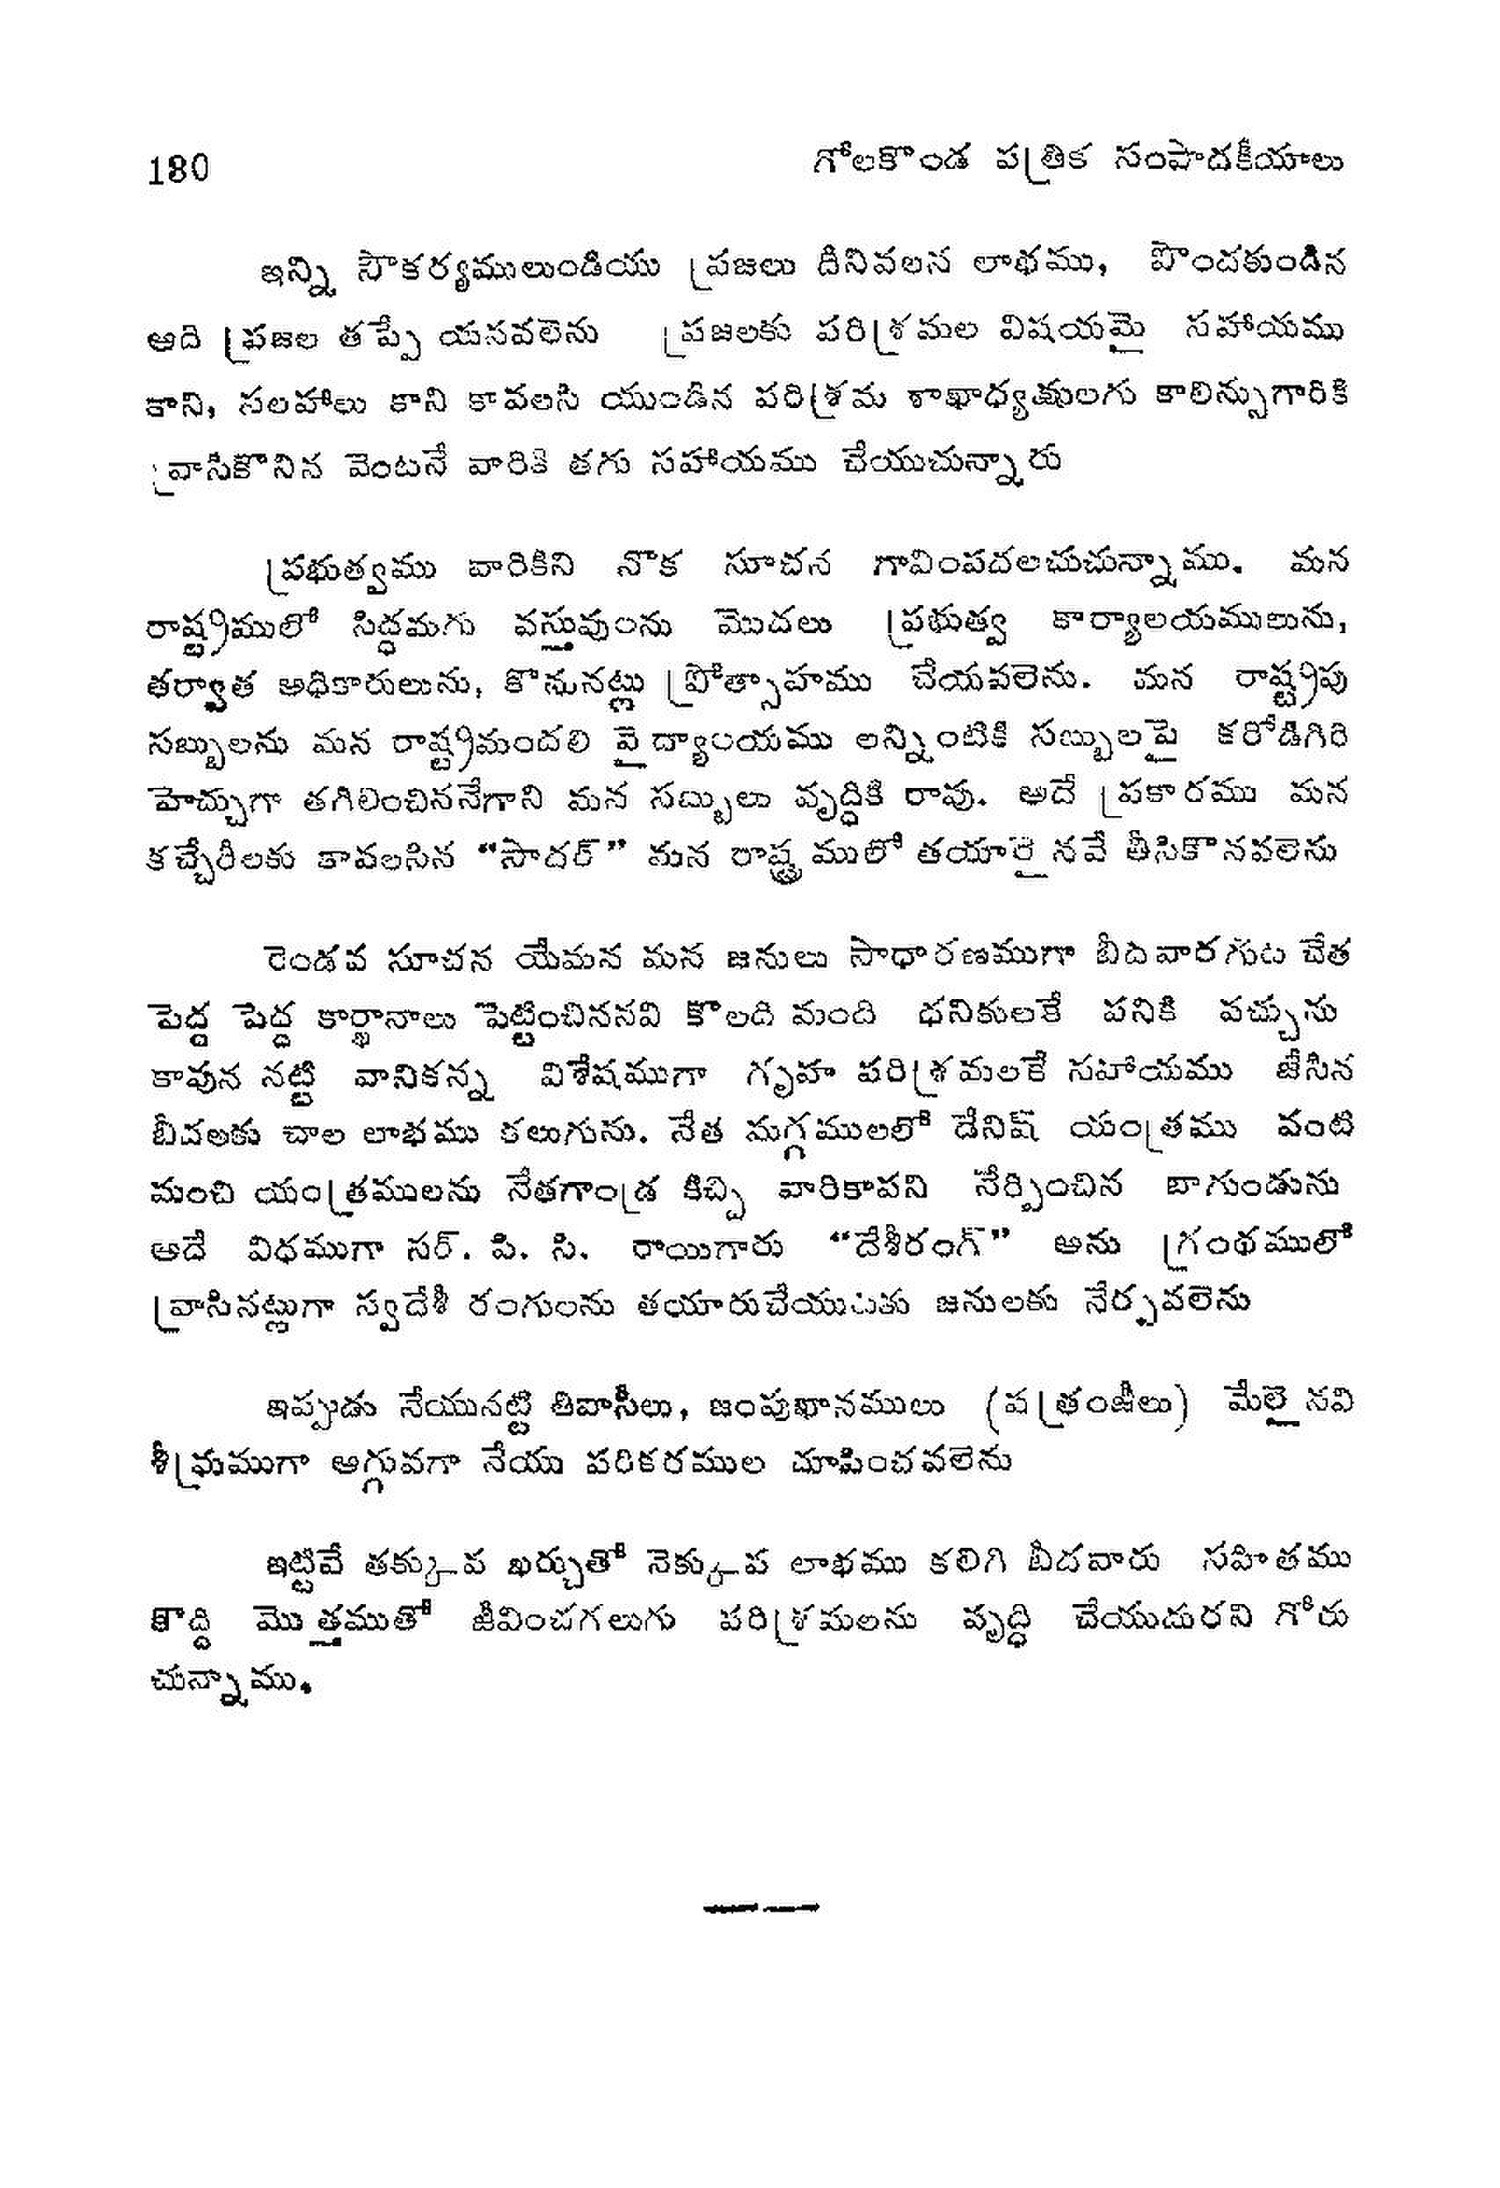ఇన్ని సౌకర్యములుండియు ప్రజలు దీనివలన లాభము, పొందకుండిన అది ప్రజల తప్పే యనవలెను ప్రజలకు పరిశ్రమల విషయమై సహాయము కాని, సలహాలు కాని కావలసి యుండిన పరిశ్రమ శాఖాధ్యక్షులగు కాలిన్సుగారికి
వ్రాసికొనిన వెంటనే వారికి తగు సహాయము చేయుచున్నారు

ప్రభుత్వము వారికిని నొక సూచన గావింపదలచుచున్నాము. మన రాష్ట్రములో సిద్ధమగు వస్తువులను మొదలు ప్రభుత్వ కార్యాలయములును, తర్వాత అధికారులును, కొనునట్లు ప్రోత్సాహము చేయవలెను. మన రాష్ట్రపు
సబ్బులను మన రాష్ట్రమందలి వైద్యాలయము లన్నింటికి సబ్బులపై కరోడిగిరి హెచ్చుగా తగిలించిననేగాని మన సబ్బులు వృద్ధికి రావు. అదే ప్రకారము మన కచ్చేరీలకు కావలసిన "సాదర్ " మన రాష్ట్రములో తయారైనవే తీసికొనవలెను

రెండవ సూచన యేమన మన జనులు సాధారణముగా బీదవారగుట చేత పెద్ద పెద్ద కార్ఖానాలు పెట్టించిననవి కొలది మంది ధనికులకే పనికి వచ్చును కావున నట్టి వానికన్న విశేషముగా గృహ పరిశ్రమలకే సహాయము జేసిన
బీదలకు చాల లాభము కలుగును. నేత మగ్గములలో డేనిష్ యంత్రము వంటి మంచి యంత్రములను నేతగాండ్ర కిచ్చి వారికాపని నేర్పించిన బాగుండును అదే విధముగా సర్. పి. సి. రాయిగారు “దేశీరంగ్" అను గ్రంథములో
వ్రాసినట్లుగా స్వదేశీ రంగులను తయారుచేయుటకు జనులకు నేర్పవలెను

ఇప్పుడు నేయునట్టి తివాసీలు, జంపుఖానములు (పత్రంజీలు) మేలైనవి శీఘ్రముగా అగ్గువగా నేయు పరికరముల చూపించవలెను

ఇట్టివే తక్కువ ఖర్చుతో నెక్కువ లాభము కలిగి బీదవారు సహితము కొద్ది మొత్తముతో జీవించగలుగు పరిశ్రమలను వృద్ధి చేయుదురని గోరుచున్నాము.